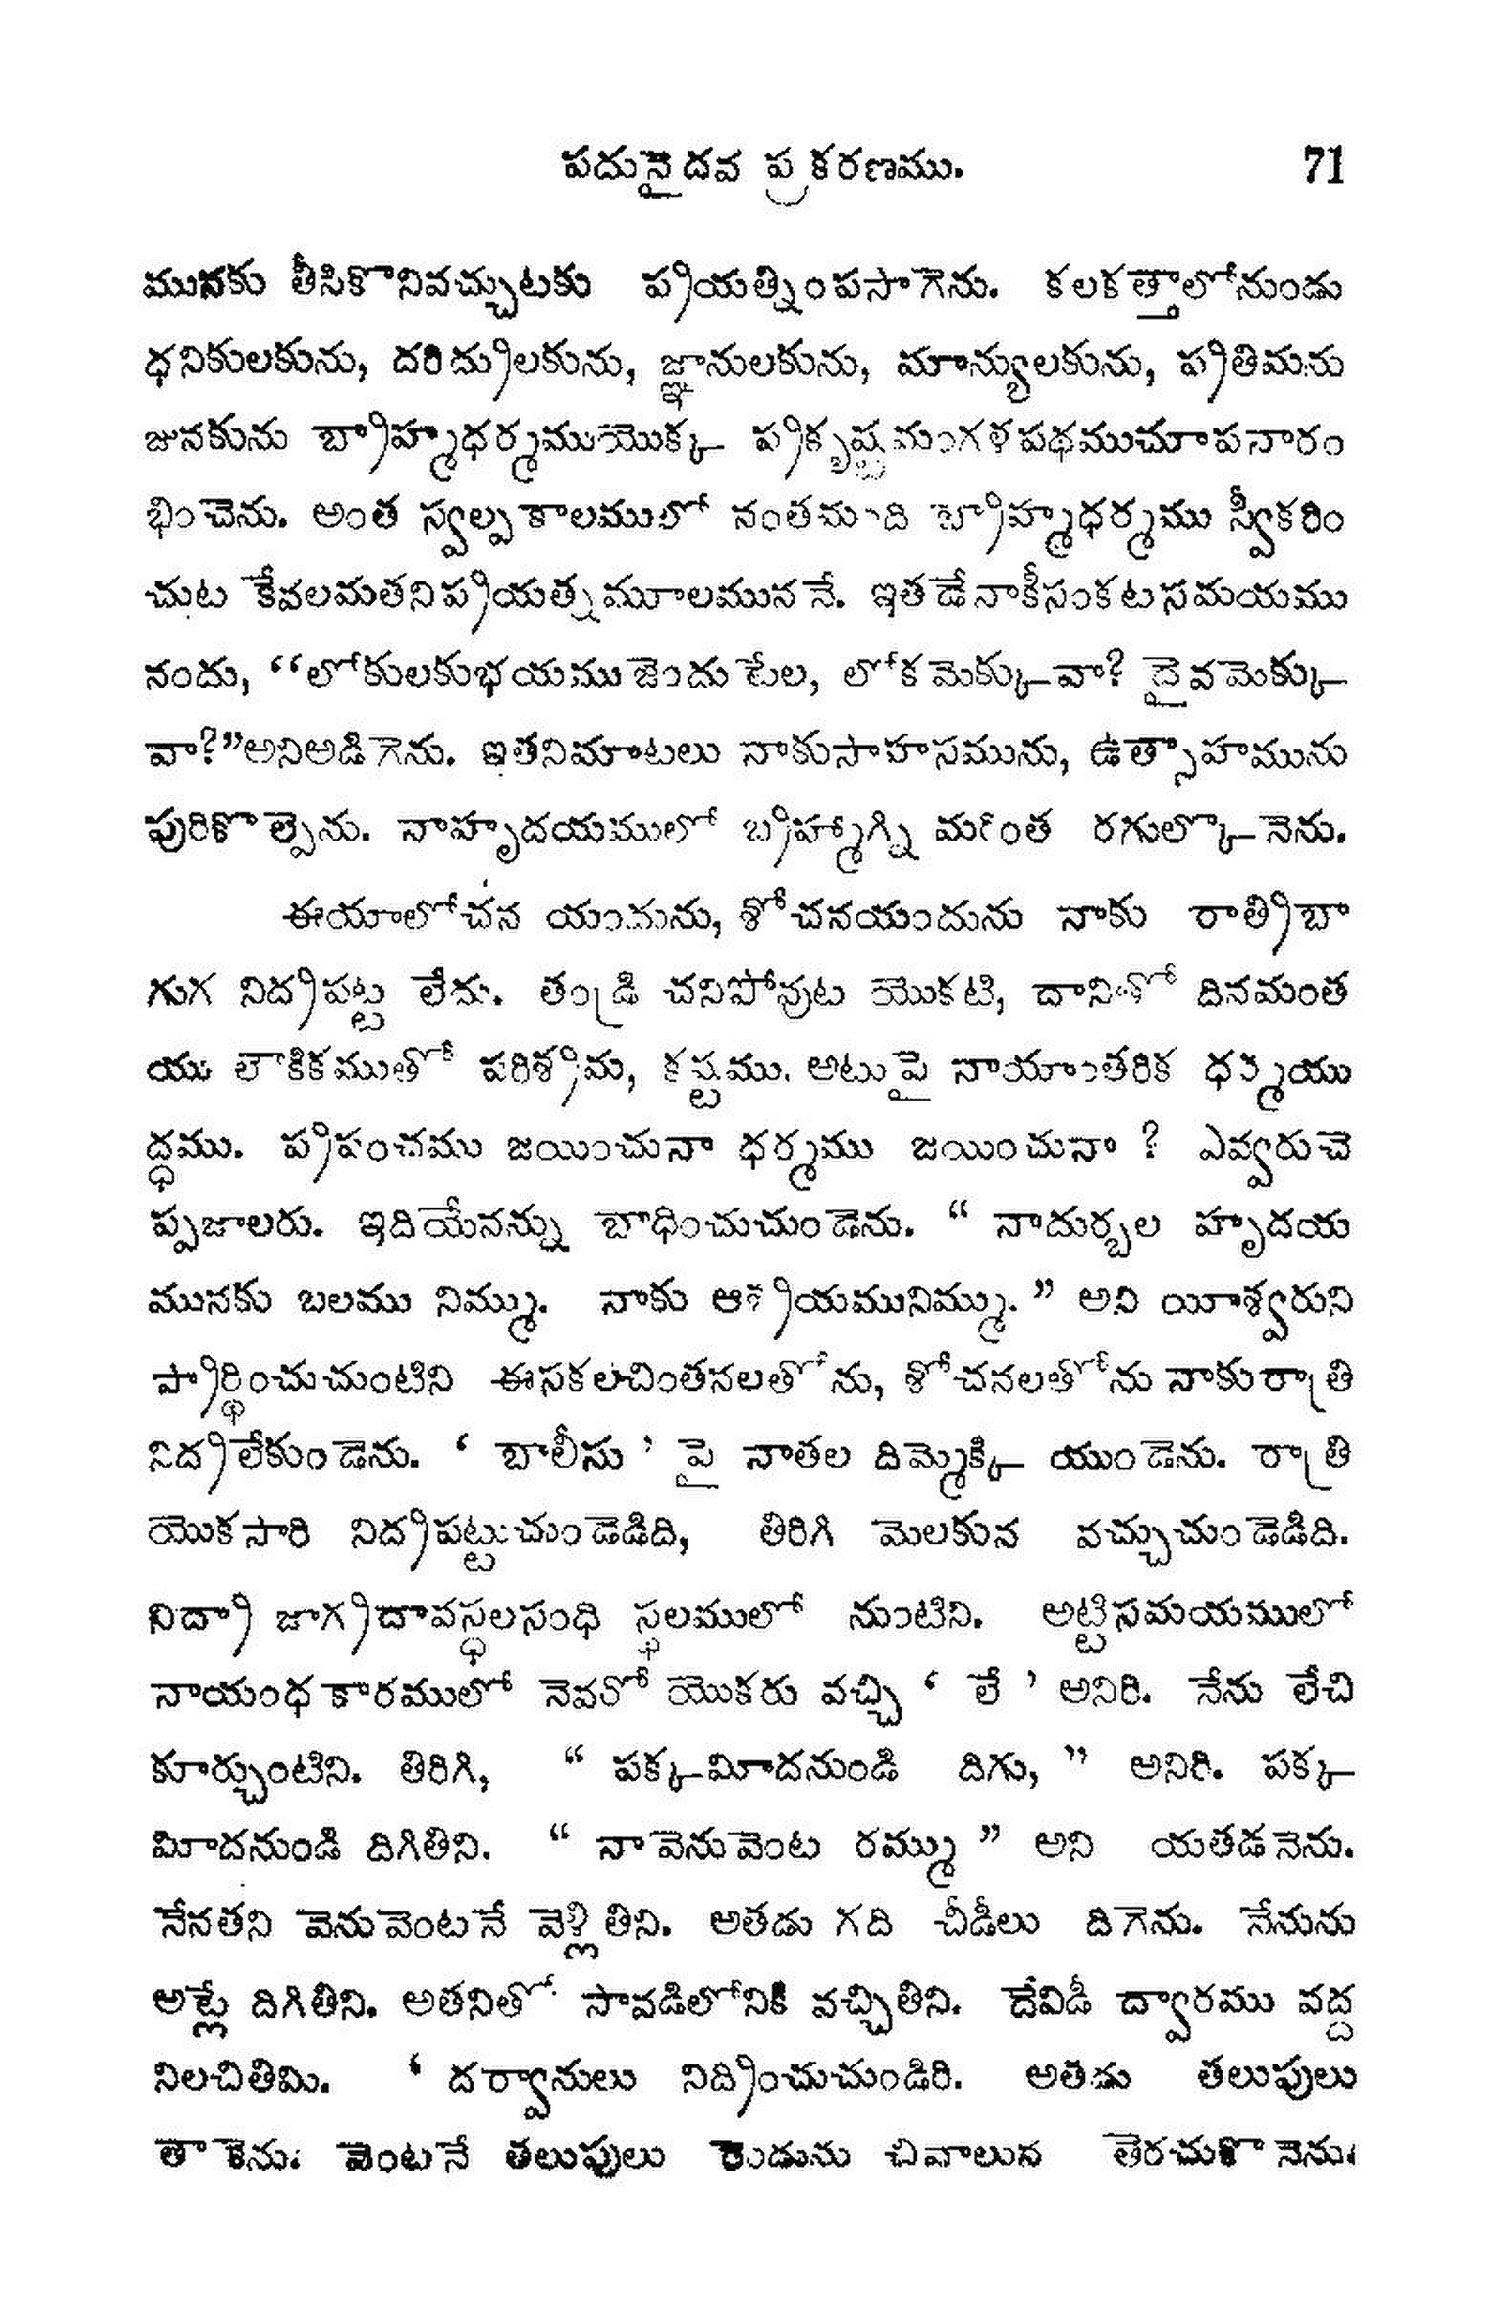మునకు తీసికొనివచ్చుటకు ప్రయత్నింపసాగెను. కలకత్తాలోనుండు
ధనికులకును, దరిద్రులకును,జ్ఞానులకును, మాన్యులకును, ప్రతిమను
జునకును బాహ్మధర్మము యొక్క ఏకృష్ణ మంగళ పథము చూపనారం
భించెను. అంత స్వల్ప కాలములో నంతమంది బ్రహ్మధర్మము స్వీకరిం
చుట కేవలమతని ప్రయత్నమూలముననే. ఇతడే నాకీ సంకట సమయము
నందు, లోకులకుభయముజెందు పేల, లోక మెక్కువా? దైవమెక్కు
వా?” అని అడిగెను. ఇతని మాటలు నాకు సాహసమును, ఉత్సాహమును
పురికొల్పెను. నాహృదయములో బ్రహ్మాన్ని మరింత రగుల్కొనెను.

ఈయాలోచన యందును, శోచనయుదును నాకు రాత్రి బాగుగ నిదపట్ట లేదు. తండ్రి చనిపోవుట యొకటి, దానిలో దినమంతయు లౌకికముతో పరిశ్రమ, కష్టము, అటుపై నాయాంతరిక ధర్మయుద్ధము. ప్రపంచము జయించునా ధర్మము జయించునా ? ఎవ్వరు చెప్పజాలరు. ఇదియే నన్ను బాధించుచుండెను. నాదుర్బల హృదయమునకు బలము నిమ్ము. ఆశ్రయమునిమ్ము. అని యీశ్వరునిప్రార్థించుచుంటిని ఈసకలచింతనలతోను, శోచనలతోను నాకు రాత్రి నిద్ర లేకుండెను. ఈ బాలీసు ' పై నాతలదిమ్మెక్కి యుండెను. రాత్రియొక సారి నిదపట్టుచుండెడిది, తిరిగి మెలకున వచ్చుచుం డెడిది.
నిద్రా జాగ్రదావస్థలసంధి స్థలములో నుంటిని. అట్టి సమయములో
నాయంధ కారములో నెవరో యొకరు వచ్చి ' లే ' అనిరి. నేను లేచి
కూర్చుంటిని. తిరిగి, “ పక్క మీదనుండి దిగు"అనిరి. పక్క మీదనుండి దిగితిని. 
నా వెను వెంట రమ్ము" అని అతడనెను. నేనతని వెను వెంటనే వెళ్లి తిని, అతడు గది చీడీలు దిగెను. నేనును అట్లే దిగితిని. అతనితో సావడిలోనికి వచ్చితిని. దేవిడీ ద్వారము వద్ద నిలచితిమి.దర్వానులు నిద్రించుచుండిరి. అతడు తలుపులు తాకెను. వెంటనే తలుపులు రెండును చివాలున తెరచుకొనెను

.